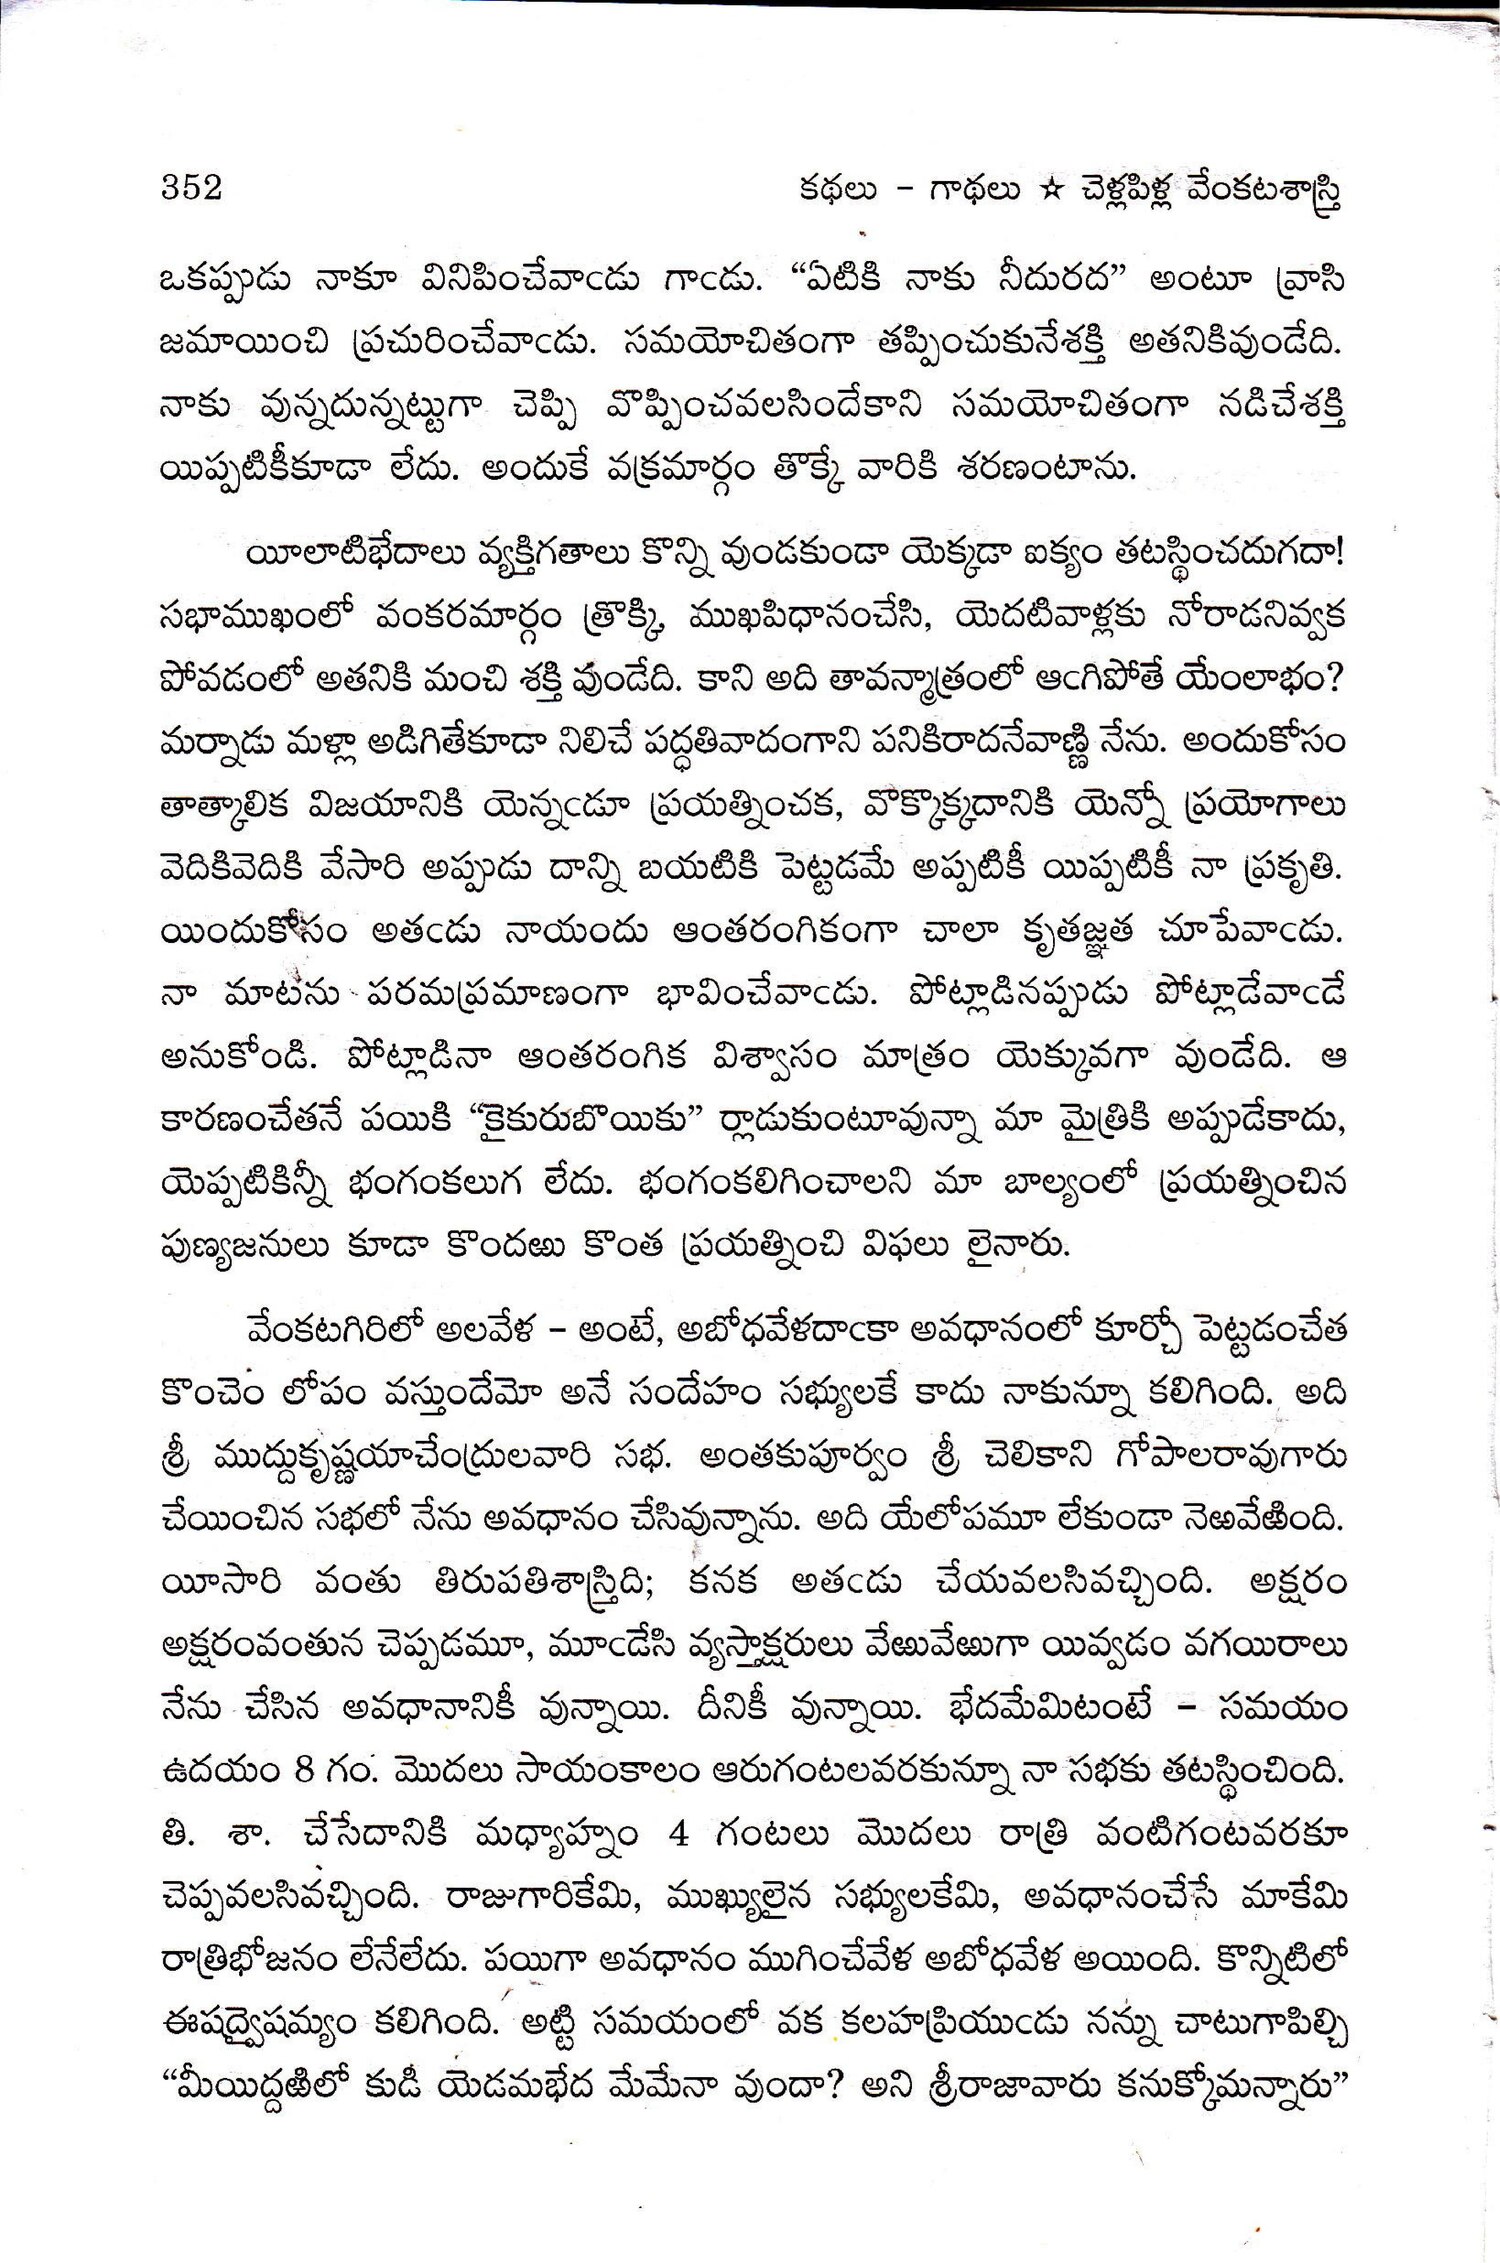ఒకప్పుడు నాకూ వినిపించేవాఁడు గాఁదు. “ఏటికి నాకు నీదురద" అంటూ వ్రాసి జమాయించి ప్రచురించేవాఁడు. సమయోచితంగా తప్పించుకునేశక్తి అతనికివుండేది. నాకు వున్నదున్నట్టుగా చెప్పి వొప్పించవలసిందేకాని సమయోచితంగా నడిచేశక్తి యిప్పటికీకూడా లేదు. అందుకే వక్రమార్గం తొక్కే వారికి శరణంటాను.

యీలాటిభేదాలు వ్యక్తిగతాలు కొన్ని వుండకుండా యెక్కడా ఐక్యం తటస్థించదుగదా! సభాముఖంలో వంకరమార్గం త్రొక్కి ముఖపిధానంచేసి, యెదటివాళ్లకు నోరాడనివ్వక పోవడంలో అతనికి మంచి శక్తి వుండేది. కాని అది తావన్మాత్రంలో ఆఁగిపోతే యేంలాభం? మర్నాడు మళ్లా అడిగితేకూడా నిలిచే పద్ధతివాదంగాని పనికిరాదనేవాణ్ణి నేను. అందుకోసం తాత్కాలిక విజయానికి యెన్నఁడూ ప్రయత్నించక, వొక్కొక్కదానికి యెన్నో ప్రయోగాలు వెదికివెదికి వేసారి అప్పడు దాన్ని బయటికి పెట్టడమే అప్పటికీ యిప్పటికీ నా ప్రకృతి. యిందుకోసం అతఁడు నాయందు ఆంతరంగికంగా చాలా కృతజ్ఞత చూపేవాcడు. నా మాటను పరమప్రమాణంగా భావించేవాఁడు. పోట్లాడినప్పుడు పోట్లాడేవాఁడే అనుకోండి. పోట్లాడినా ఆంతరంగిక విశ్వాసం మాత్రం యెక్కువగా వుండేది. ఆ కారణంచేతనే పయికి "కైకురుబొయికు" ర్లాడుకుంటూవున్నా మా మైత్రికి అప్పడేకాదు, యెప్పటికిన్నీ భంగంకలుగ లేదు. భంగంకలిగించాలని మా బాల్యంలో ప్రయత్నించిన పుణ్యజనులు కూడా కొందఱు కొంత ప్రయత్నించి విఫలు లైనారు.

వేంకటగిరిలో అలవేళ - అంటే, అబోధవేళదాఁకా అవధానంలో కూర్చో పెట్టడంచేత కొంచెం లోపం వస్తుందేమో అనే సందేహం సభ్యులకే కాదు నాకున్నూ కలిగింది. అది శ్రీ ముద్దుకృష్ణయాచేంద్రులవారి సభ. అంతకుపూర్వం శ్రీ చెలికాని గోపాలరావుగారు చేయించిన సభలో నేను అవధానం చేసివున్నాను. అది యేలోపమూ లేకుండా నెఱవేఱింది. యీసారి వంతు తిరుపతిశాస్త్రిది; కనక అతఁడు చేయవలసివచ్చింది. అక్షరం అక్షరంవంతున చెప్పడమూ, మూఁడేసి వ్యస్తాక్షరులు వేఱువేఱుగా యివ్వడం వగయిరాలు నేను చేసిన అవధానానికీ వున్నాయి. దీనికీ వున్నాయి. భేదమేమిటంటే - సమయం ఉదయం 8 గం. మొదలు సాయంకాలం ఆరుగంటలవరకున్నూనా సభకు తటస్థించింది.
తి. శా, చేసేదానికి మధ్యాహ్నం 4 గంటలు మొదలు రాత్రి వంటిగంటవరకూ చెప్పవలసివచ్చింది. రాజుగారికేమి, ముఖ్యులైన సభ్యులకేమి, అవధానంచేసే మాకేమి రాత్రిభోజనం లేనేలేదు. పయిగా అవధానం ముగించేవేళ అబోధవేళ అయింది. కొన్నిటిలో ఈషద్వైషమ్యం కలిగింది. అట్టి సమయంలో వక కలహప్రియుఁడు నన్ను చాటుగాపిల్చి "మీయిద్దఱిలో కుడి యెడమభేద మేమేనా వుందా? అని శ్రీరాజావారు కనుక్కోమన్నారు"